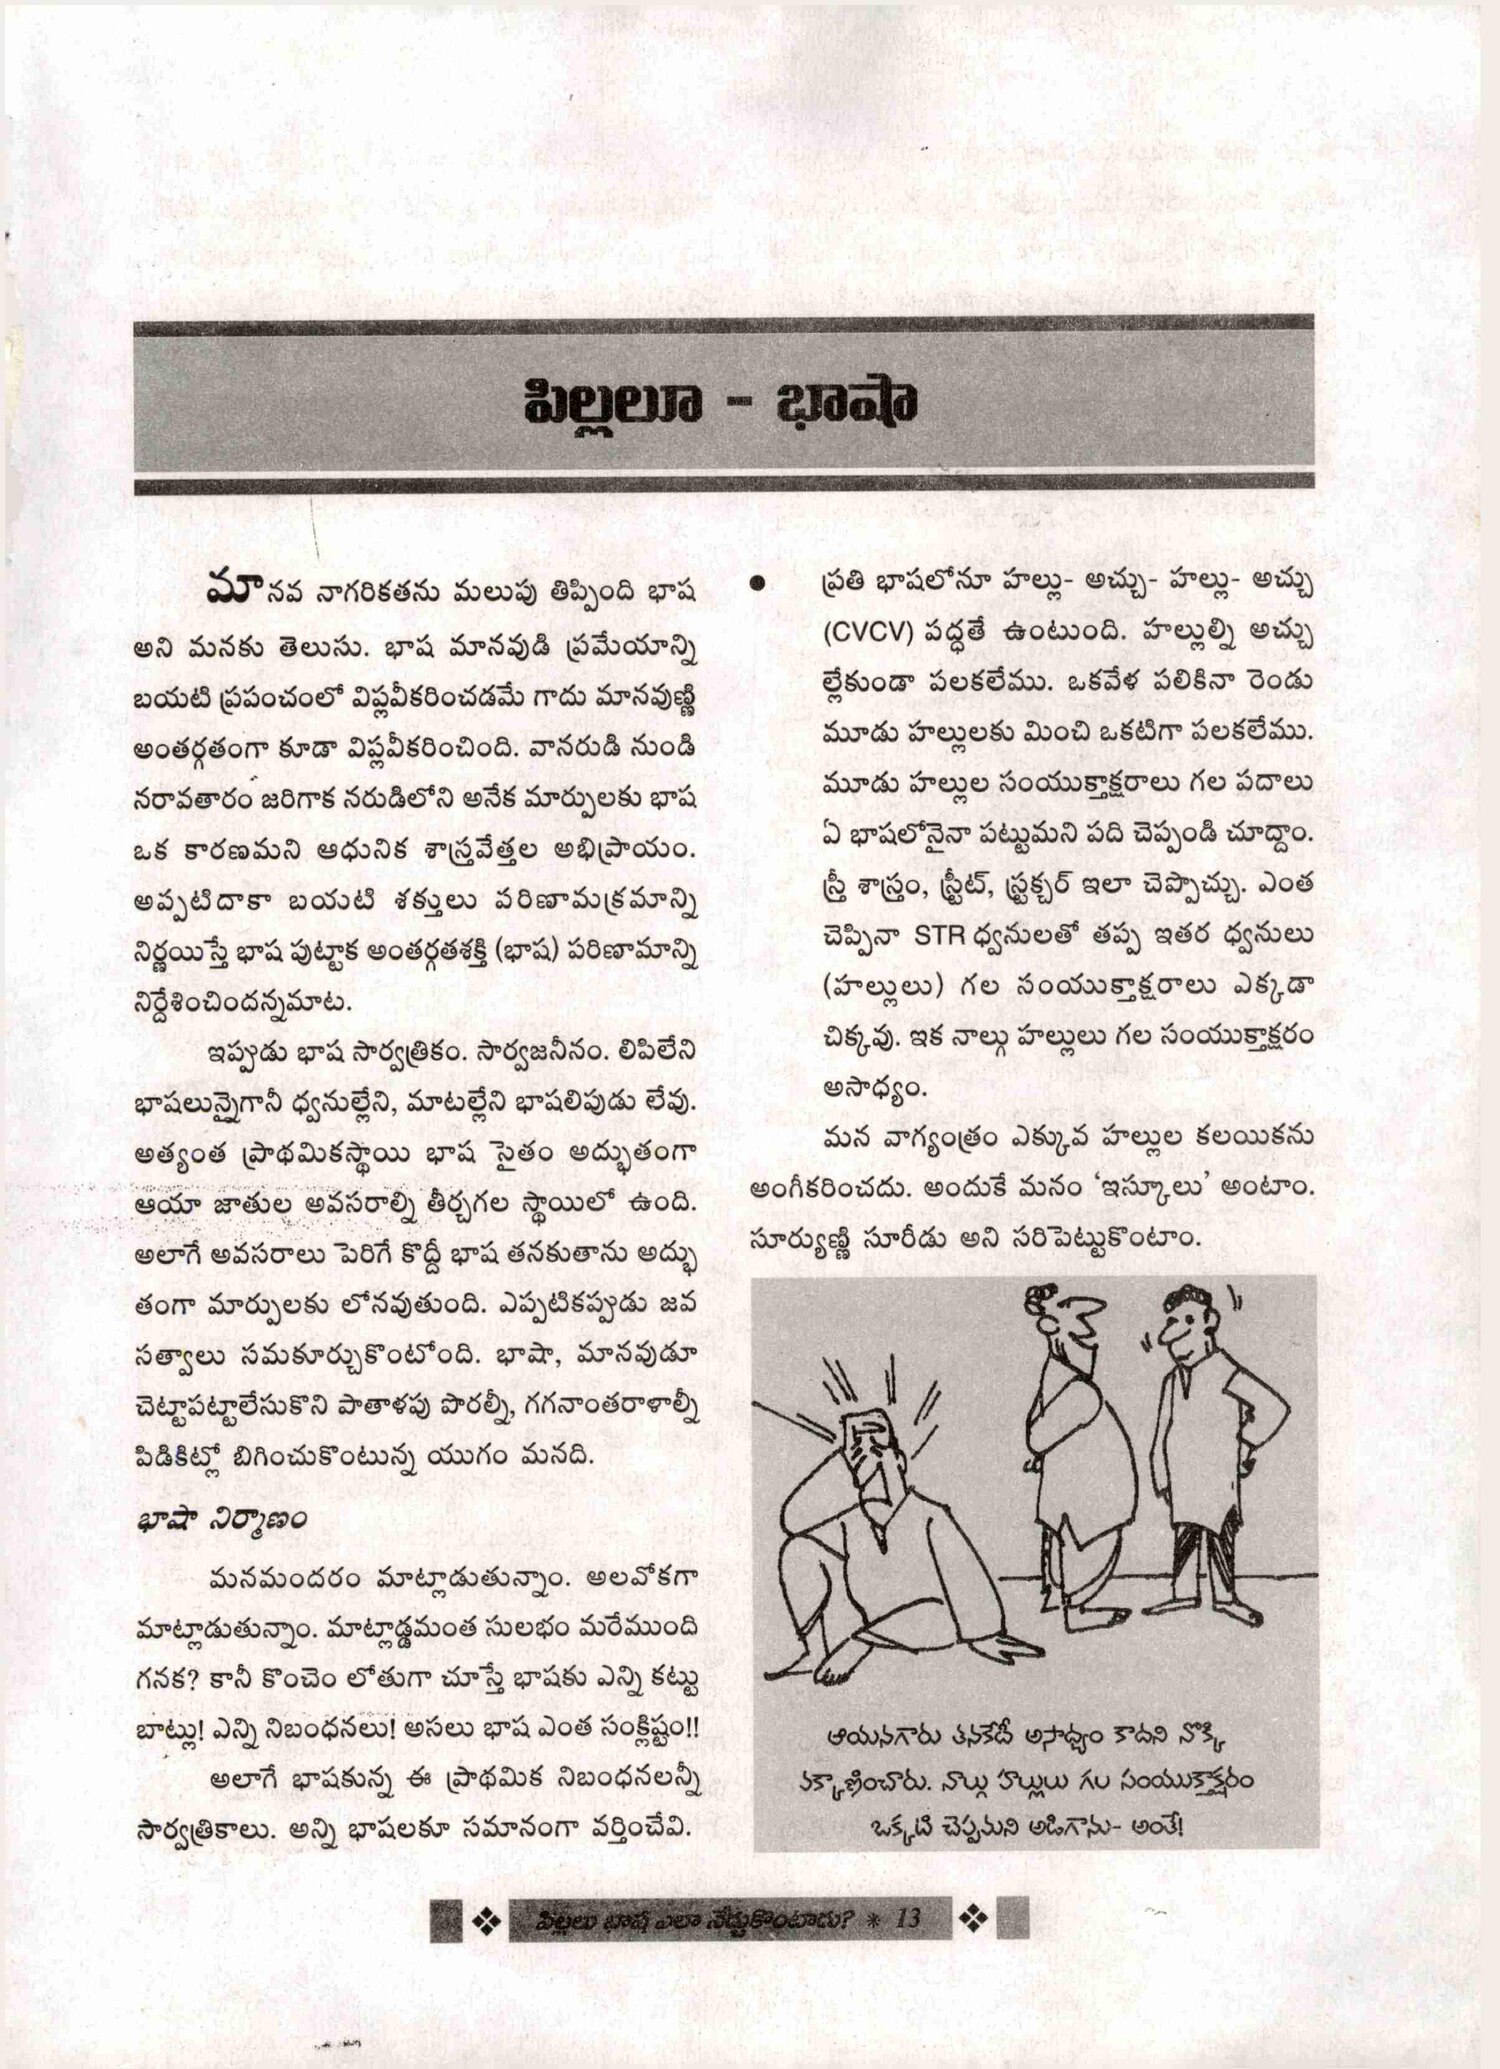పిల్లలూ - భాషా

మానవ నాగరికతను మలుపు తిప్పింది భాష అని మనకు తెలుసు. భాష మానవుడి ప్రమేయాన్ని బయటి ప్రపంచంలో విప్లవీకరించడమే గాదు మానవుణ్ణి అంతర్గతంగా కూడా విప్లవీకరించింది. వానరుడి నుండి
నరావతారం జరిగాక నరుడిలోని అనేక మార్పులకు భాష ఒక కారణమని ఆధునిక శాస్త్రవేత్తల అభిప్రాయం.
అప్పటిదాకా బయటి శక్తులు పరిణామక్రమాన్ని నిర్ణయిస్తే భాష పుట్టాక అంతర్గతశక్తి (భాష) పరిణామాన్ని
నిర్దేశించిందన్నమాట.

ఇప్పుడు భాష సార్వత్రికం. సార్వజనీనం. లిపిలేని భాషలున్నైగానీ ధ్వనుల్లేని, మాటల్లేని భాషలిపుడు లేవు. అత్యంత ప్రాథమికస్థాయి భాష సైతం అద్భుతంగా ఆయా జాతుల అవసరాల్ని తీర్చగల స్థాయిలో ఉంది. అలాగే అవసరాలు పెరిగే కొద్దీ భాష తనకుతాను అద్భుతంగా మార్పులకు లోనవుతుంది. ఎప్పటికప్పుడు జవసత్వాలు సమకూర్చుకొంటోంది. భాషా, మానవుడూ చెట్టాపట్టాలేసుకొని పాతాళపు పొరల్నీ, గగనాంతరాళాల్నీ పిడికిట్లో బిగించుకొంటున్న యుగం మనది.

భాషా నిర్మాణం

మనమందరం మాట్లాడుతున్నాం. అలవోకగా మాట్లాడుతున్నాం. మాట్లాడ్డమంత సులభం మరేముంది గనక? కానీ కొంచెం లోతుగా చూస్తే భాషకు ఎన్ని కట్టుబాట్లు! ఎన్ని నిబంధనలు! అసలు భాష ఎంత సంక్లిష్టం!!

అలాగే భాషకున్న ఈ ప్రాథమిక నిబంధనలన్నీ సార్వత్రికాలు. అన్ని భాషలకూ సమానంగా వర్తించేవి. ప్రతి భాషలోనూ హల్లు- అచ్చు- హల్లు- అచ్చు (CVCV) పద్ధతే ఉంటుంది. హల్లుల్ని అచ్చుల్లేకుండా పలకలేము. ఒకవేళ పలికినా రెండుమూడు హల్లులకు మించి ఒకటిగా పలకలేము. మూడు హల్లుల సంయుక్తాక్షరాలు గల పదాలు
ఏ భాషలోనైనా పట్టుమని పది చెప్పండి చూద్దాం. స్త్రీ శాస్త్రం, స్ట్రీట్, స్ట్రక్చర్ ఇలా చెప్పొచ్చు. ఎంతచెప్పినా STR ధ్వనులతో తప్ప ఇతర ధ్వనులు (హల్లులు) గల సంయుక్తాక్షరాలు ఎక్కడా చిక్కవు. ఇక నాల్గు హల్లులు గల సంయుక్తాక్షరం అసాధ్యం.

మన వాగ్యంత్రం ఎక్కువ హల్లుల కలయికను అంగీకరించదు. అందుకే మనం 'ఇస్కూలు' అంటాం. సూర్యుణ్ణి సూరీడు అని సరిపెట్టుకొంటాం.